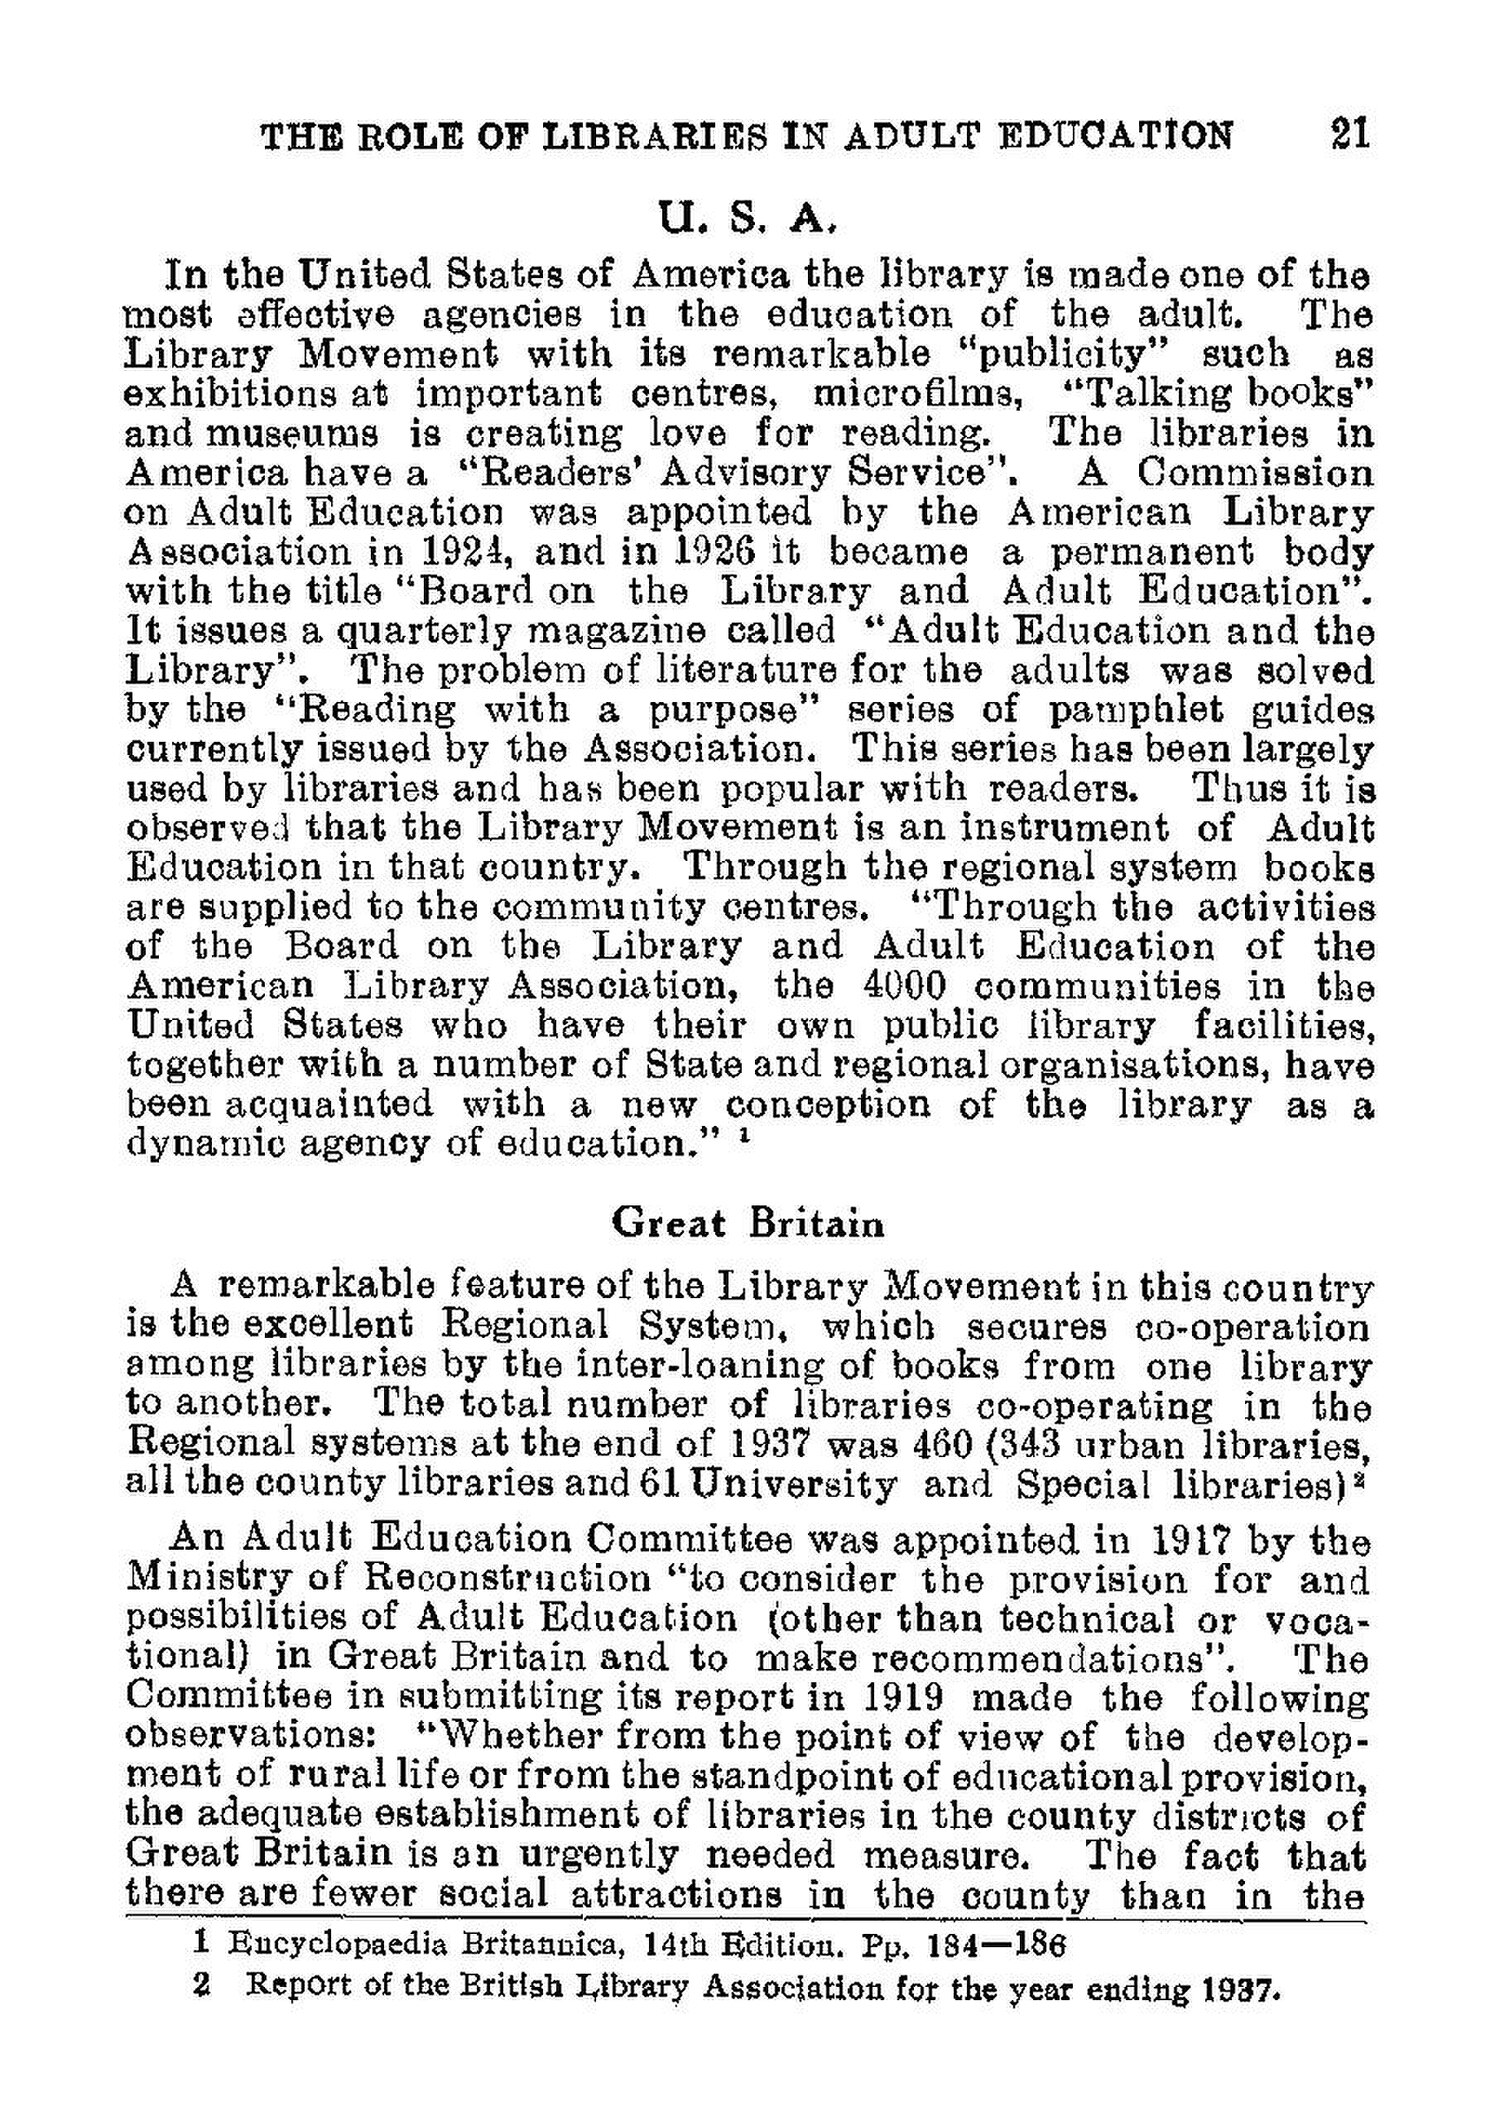In the United States of America the library is made one of the most effective agencies in the education 
of the adult. The Library Movement with its remarkable "publicity" such as exhibitions at important centers, 
microfilms, "Talking books" and museums is creating love for reading. The libraries in America have a "Readers' Advisory Service". A Commission on Adult Education was appointed by the American Library Association in 1924, and in 1926 it became a permanent body with the title "Board on the Library and Adult Education". It issues a 
quarterly magazine called "Adult Education and the Library". The problem of literature for the adults was solved
by the "Reading with a purpose" series of pamphlet guides currently issued by the Association. This series has 
been largely used by libraries and has been popular with readers. Thus it is observed that the Library Movement 
is an instrument of Adult Education in that country. Through the regional system books are supplied to the community centers. "Through the activities of the Board on the Library and Adult Education of the American Library Association, the 4000 communities in the United States who have their own public library facilities, together with a number of State and regional organizations, have been acquainted with a new conception of the library as a
dynamic agency of education." 

A remarkable feature of the Library Movement in this country is the excellent Regional System, which secures 
co-operation among libraries by the inter-loaning of books from one library to another. The total number of libraries co-operating in the Regional systems at the end of 1937 was 460 (343 urban libraries, all the county libraries and 61 University and Special libraries)*

An Adult Education Committee was appointed in 1917 by the Ministry of Reconstruction "to consider the provision 
for and possibilities of Adult Education (other than technical or vocational) in Great Britain and to make recommendations". Committee in submitting its report in 1919 made the following observations: "Whether from the point of view of the development of rural life or from the standpoint of educational provision, the adequate establishment of libraries in the county districts of Great Britain is an urgently needed measure. The fact 
that there are fewer social attractions in the county than in the